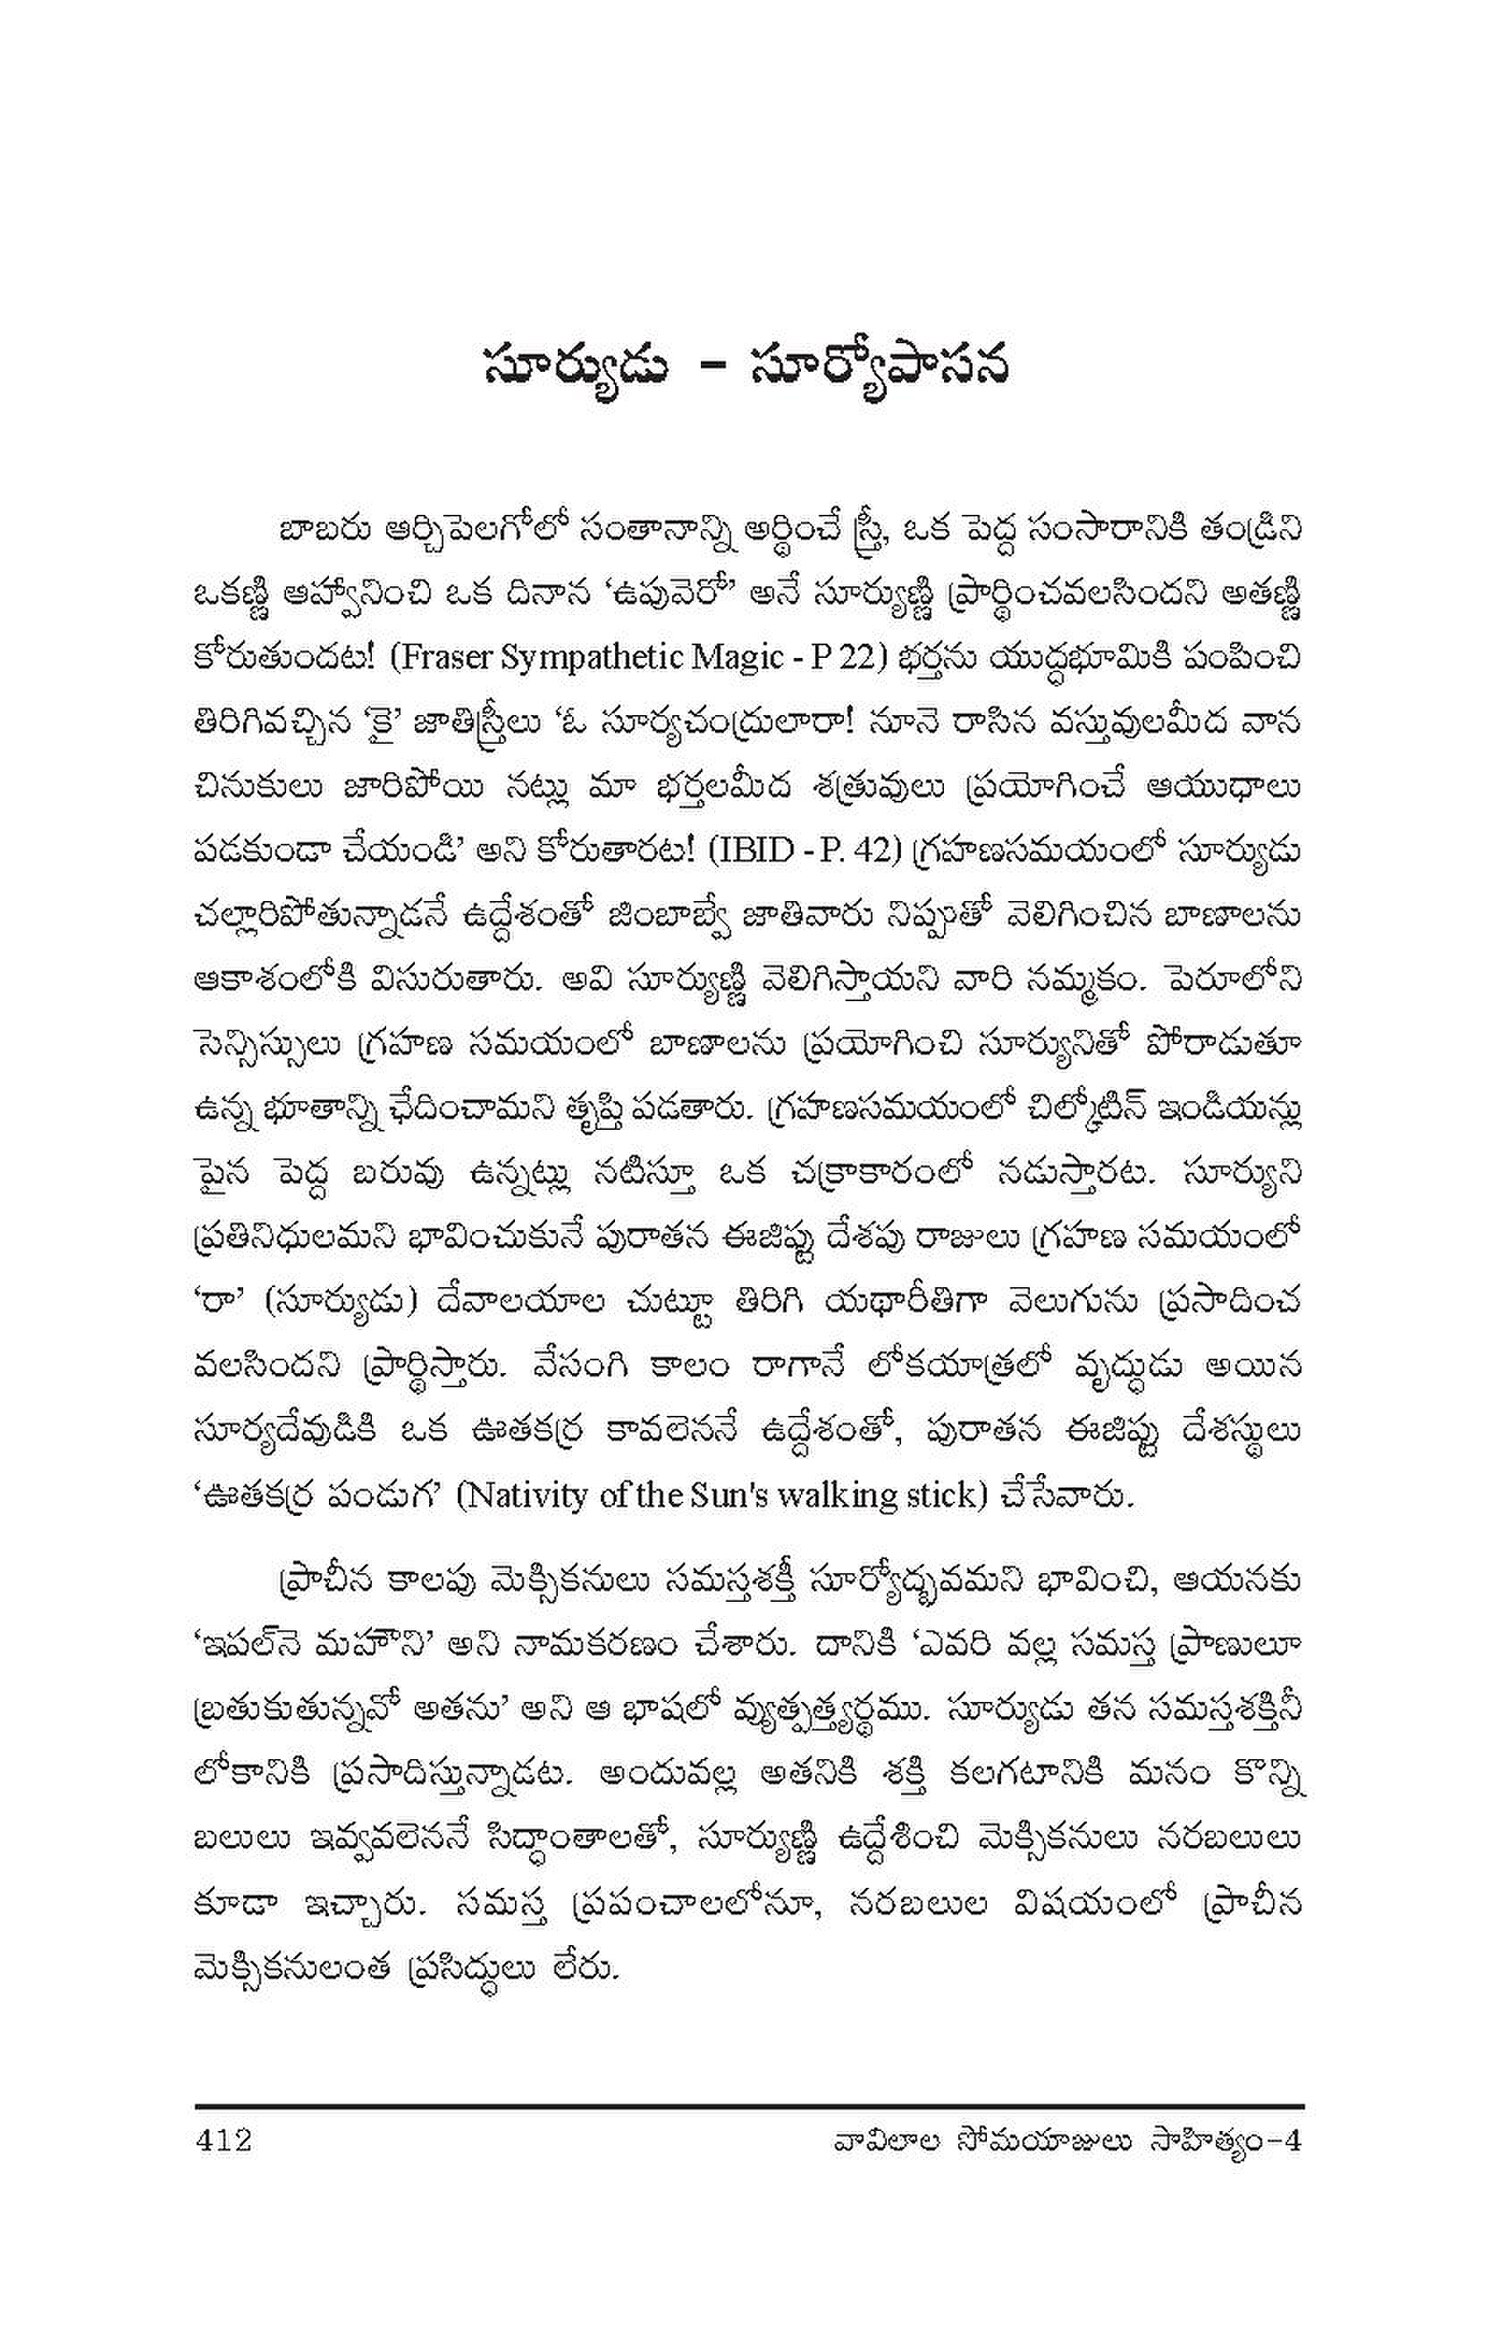బాబరు ఆర్చిపెలగోలో సంతానాన్ని అర్థించే స్త్రీ, ఒక పెద్ద సంసారానికి తండ్రిని
ఒకణ్ణి ఆహ్వానించి ఒక దినాన 'ఉపువెరో' అనే సూర్యుణ్ణి ప్రార్థించవలసిందని అతణ్ణి
కోరుతుందట! (Fraser Sympathetic Magic - P 22) భర్తను యుద్ధభూమికి పంపించి
తిరిగివచ్చిన 'కై' జాతిస్త్రీలు 'ఓ సూర్యచంద్రులారా! నూనె రాసిన వస్తువులమీద వాన
చినుకులు జారిపోయి నట్లు మా భర్తలమీద శత్రువులు ప్రయోగించే ఆయుధాలు
పడకుండా చేయండి' అని కోరుతారట! (IBID - P. 42) గ్రహణసమయంలో సూర్యుడు
చల్లారిపోతున్నాడనే ఉద్దేశంతో జింబాబ్వే జాతివారు నిప్పుతో వెలిగించిన బాణాలను
ఆకాశంలోకి విసురుతారు. అవి సూర్యుణ్ణి వెలిగిస్తాయని వారి నమ్మకం. పెరూలోని
సెన్సిస్సులు గ్రహణ సమయంలో బాణాలను ప్రయోగించి సూర్యునితో పోరాడుతూ
ఉన్న భూతాన్ని ఛేదించామని తృప్తి పడతారు. గ్రహణసమయంలో చిల్కోటిన్ ఇండియన్లు
పైన పెద్ద బరువు ఉన్నట్లు నటిస్తూ ఒక చక్రాకారంలో నడుస్తారట. సూర్యుని
ప్రతినిధులమని భావించుకునే పురాతన ఈజిప్టు దేశపు రాజులు గ్రహణ సమయంలో
'రా' (సూర్యుడు) దేవాలయాల చుట్టూ తిరిగి యథారీతిగా వెలుగును ప్రసాదించ
వలసిందని ప్రార్థిస్తారు. వేసంగి కాలం రాగానే లోకయాత్రలో వృద్ధుడు అయిన
సూర్యదేవుడికి ఒక ఊతకర్ర కావలెననే ఉద్దేశంతో, పురాతన ఈజిప్టు దేశస్థులు
'ఊతకర్ర పండుగ' (Nativity of the Sun's walking stick) చేసేవారు.

ప్రాచీన కాలపు మెక్సికనులు సమస్తశక్తీ సూర్యోద్భవమని భావించి, ఆయనకు
'ఇపల్ నె మహౌని' అని నామకరణం చేశారు. దానికి 'ఎవరి వల్ల సమస్త ప్రాణులూ
బ్రతుకుతున్నవో అతను' అని ఆ భాషలో వ్యుత్పత్త్యర్ధము. సూర్యుడు తన సమస్తశక్తినీ
లోకానికి ప్రసాదిస్తున్నాడట. అందువల్ల అతనికి శక్తి కలగటానికి మనం కొన్ని
బలులు ఇవ్వవలెననే సిద్ధాంతాలతో, సూర్యుణ్ణి ఉద్దేశించి మెక్సికనులు నరబలులు
కూడా ఇచ్చారు. సమస్త ప్రపంచాలలోనూ, నరబలుల విషయంలో ప్రాచీన
మెక్సికనులంత ప్రసిద్దులు లేరు.